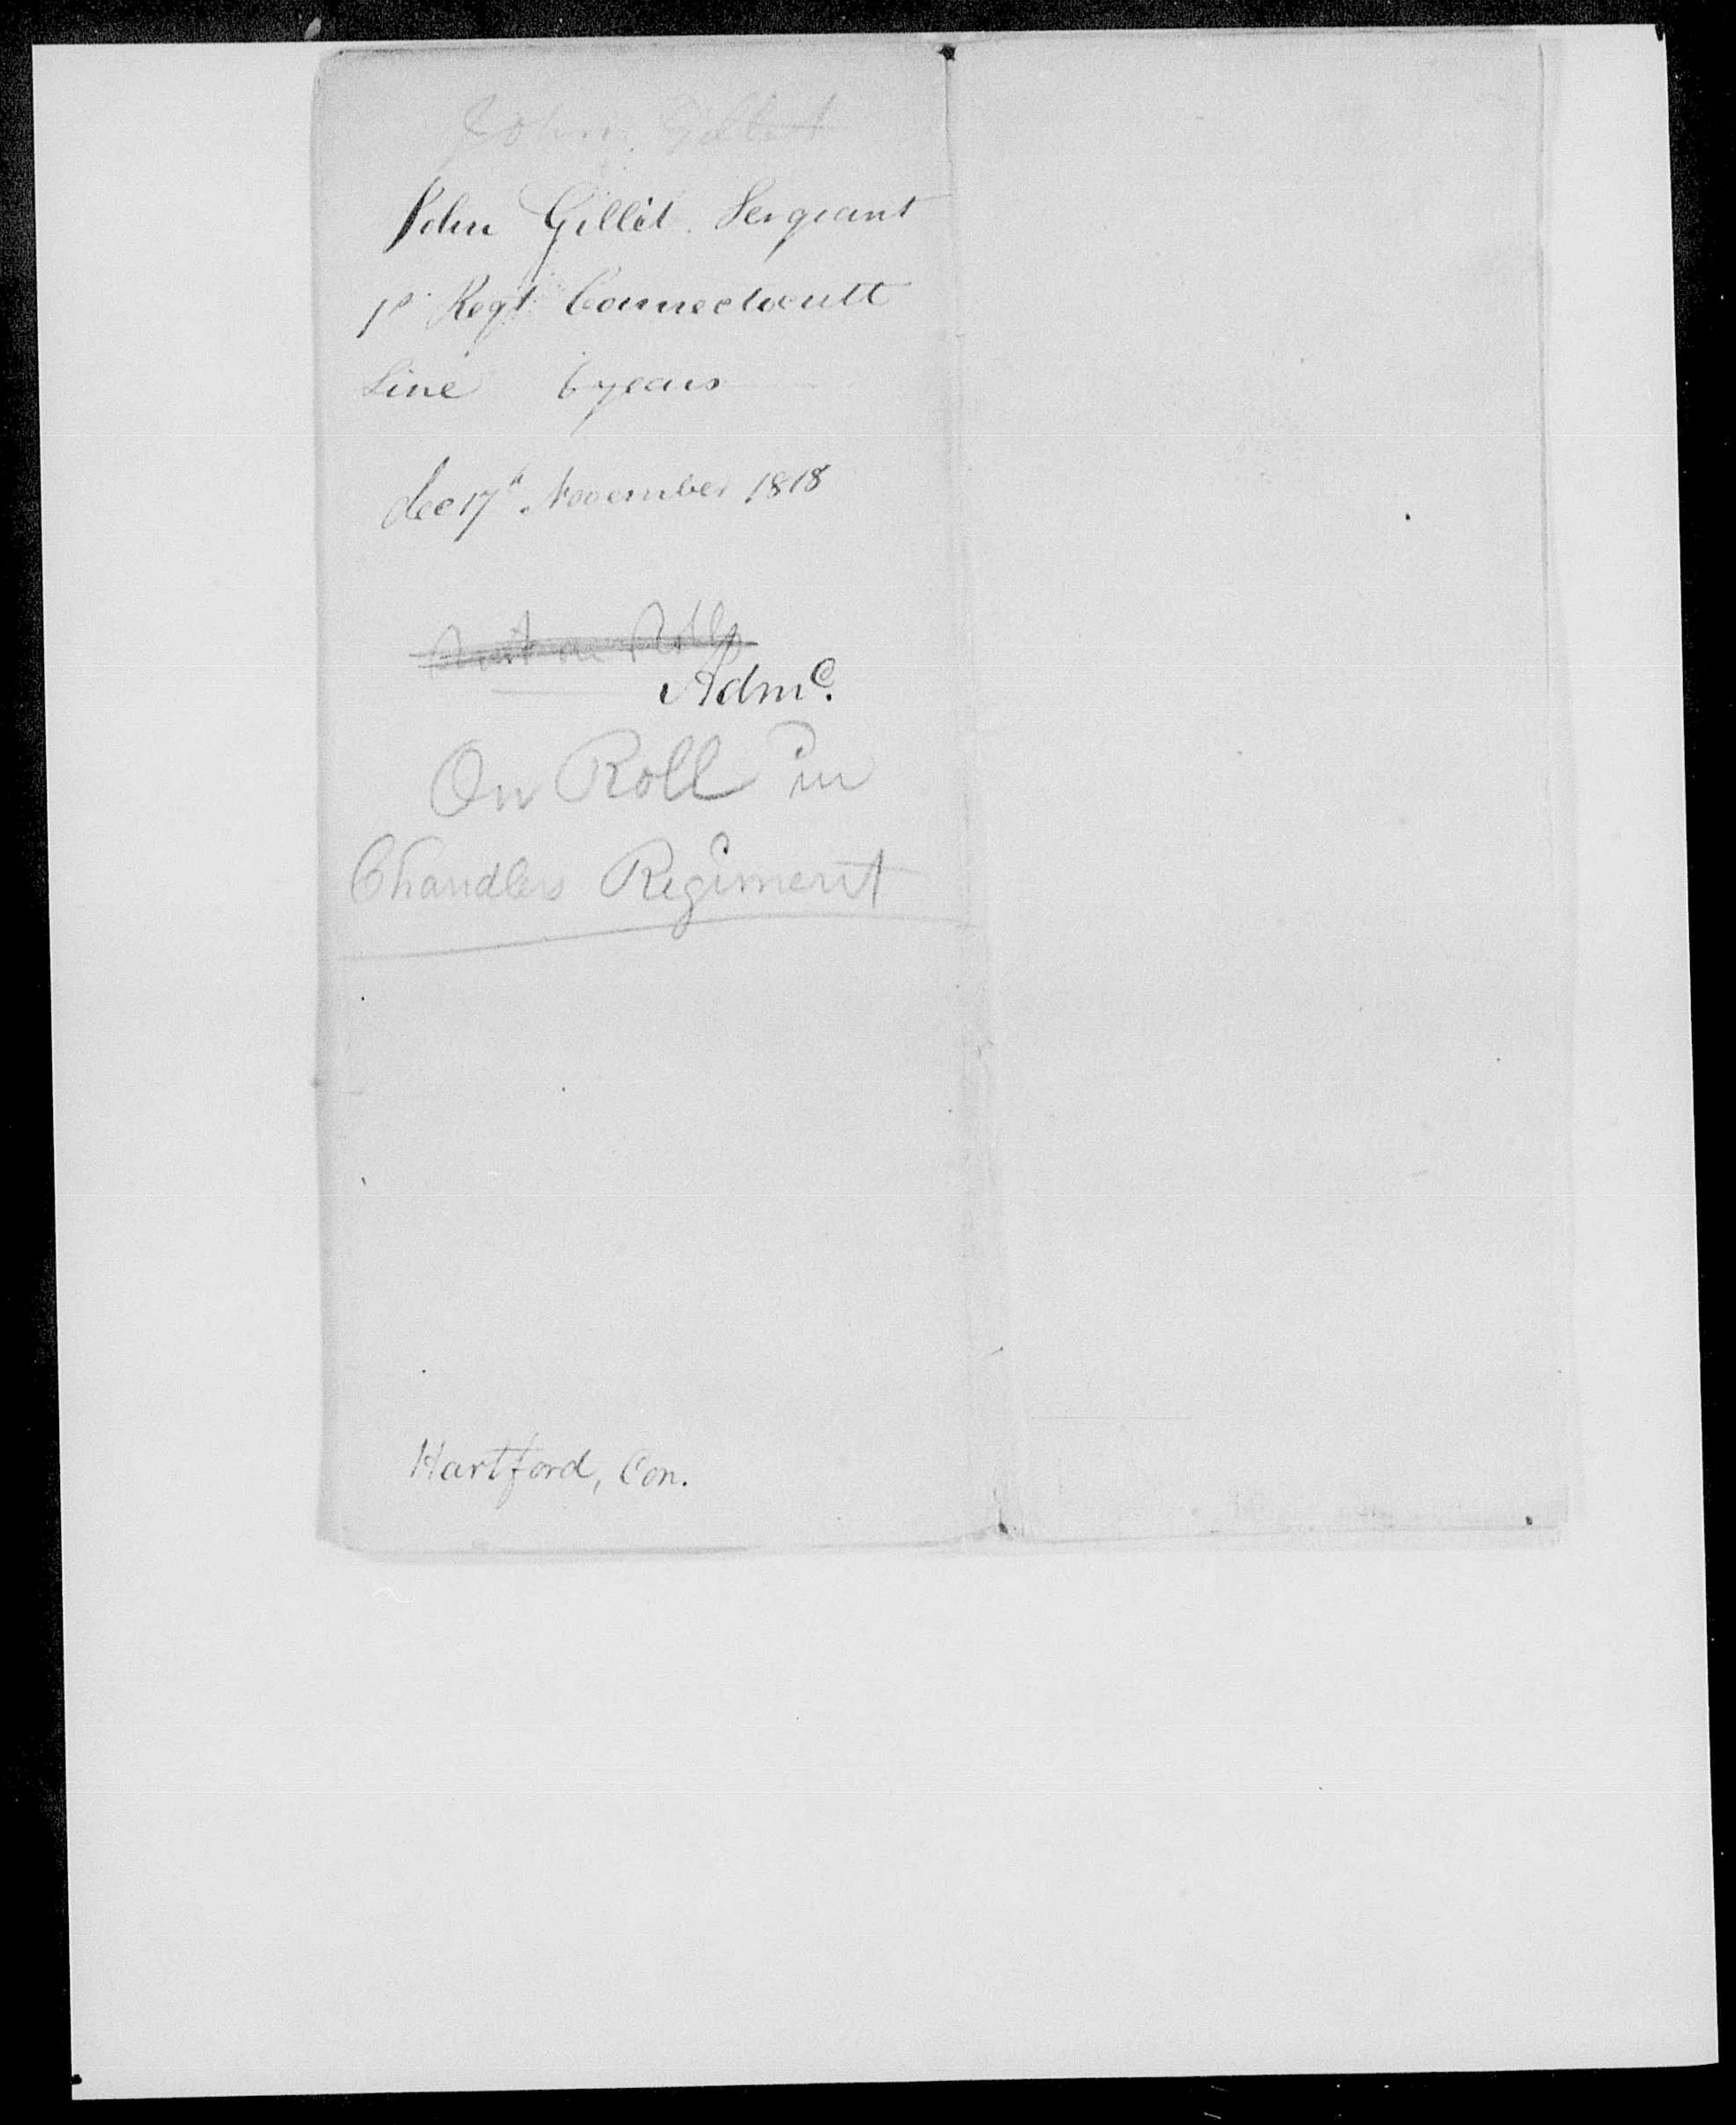John Gillet
John Gillet Sergeant
1st Regt Connecticut
line  6 years

dec.  17th  November 1818

    Admd.
On Roll in 
Chandlers Regiment

Hartford, Con.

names: John Gillet, John Gillit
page: 19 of 40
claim: survivor's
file: S. 36,537 And R. 4034, John Gillet, Conn.